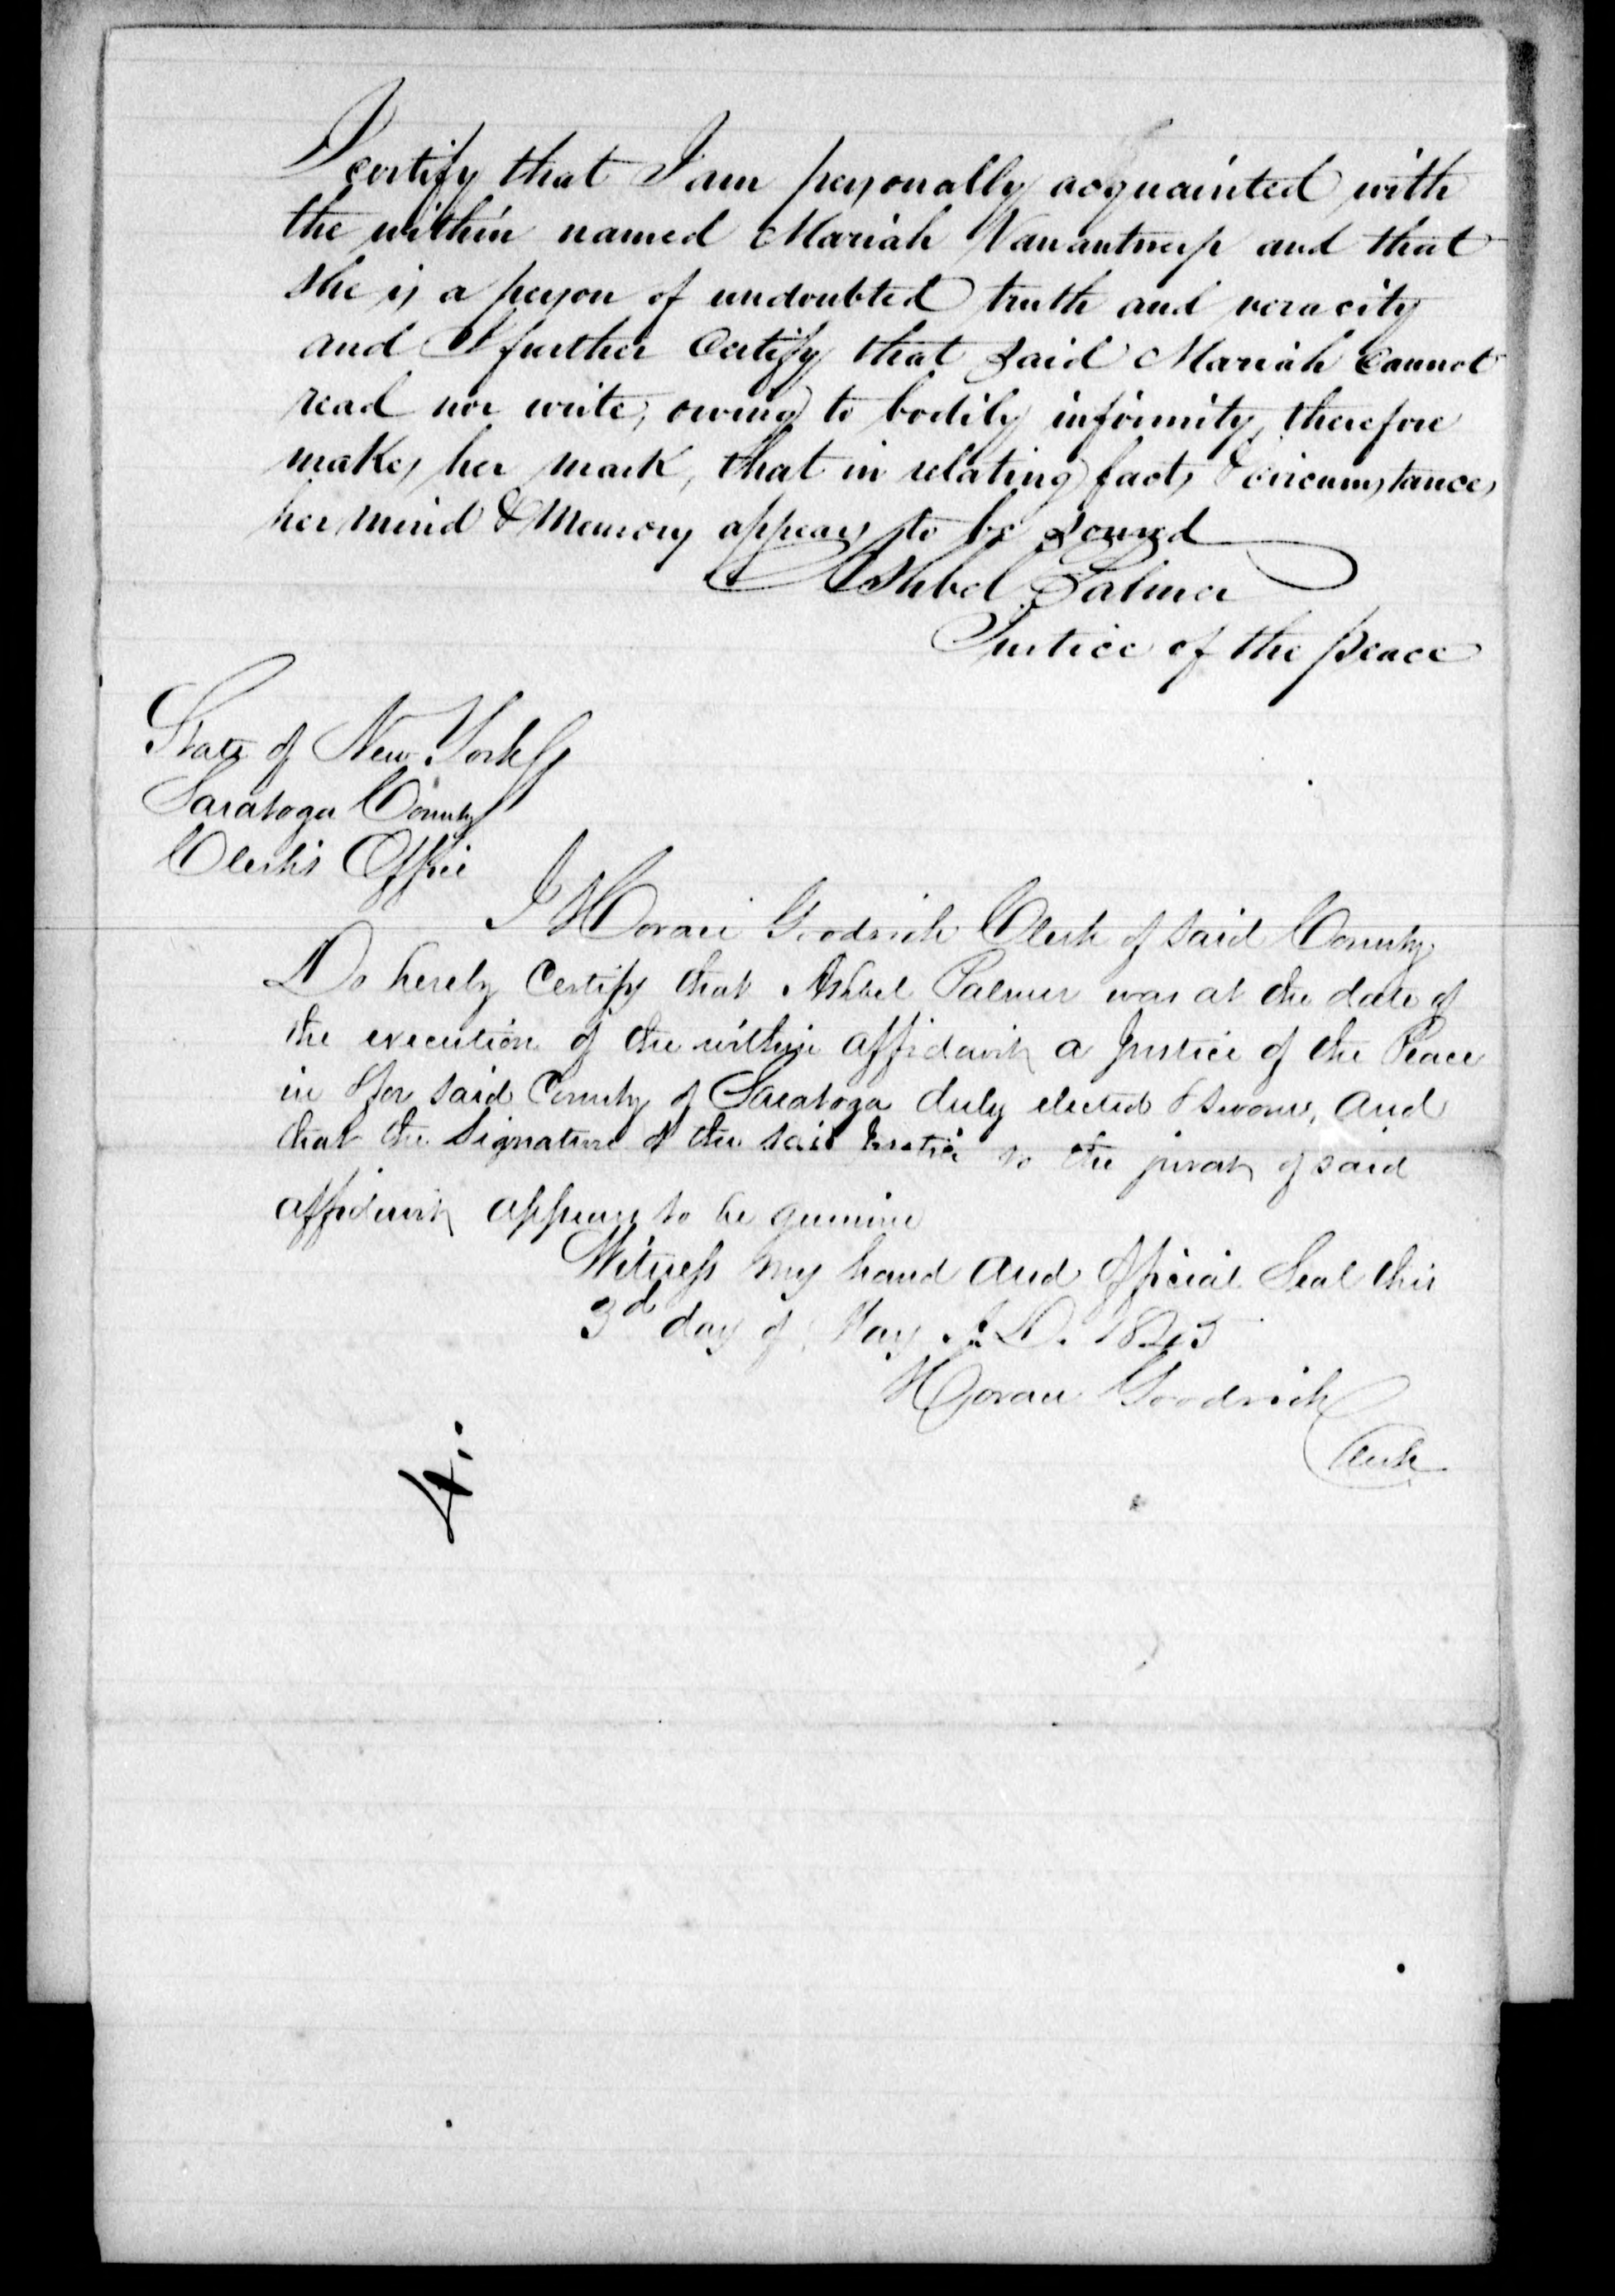I certify that I am personally acquainted with
the within named Mariah Vanantwerp and that 
she is a person of undoubted truth and veracity and I further certify that said Mariah Cannot read nor write, owing to bodily infirmity, therefore makes her mark, that in relating facts & circumstances her mind & memory appears to be sound
Ashbel Palmer [signature]
Justice of the Peace

State of New York
Saratoga County
Clerk's Office
I Horace Goodrich Clerk of said County Do hereby certify that Ashbel Palmer was at the date of the execution of the within affidavit a Justice of the Peace in for said County of Saratoga duly elected & sworn, and that the signature of the said Justice to the Jurat of said affidavit appears to be genuine

Witness my hand and official Seal this 3d day of May A.D. 1825
Horace Goodrich [signature]
Clerk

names: Mariah, Ashbel Palmer, Mariah Vanantwerp, Ashbel Palmer, Horace Goodrich, Horace Goodrich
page: 13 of 70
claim: rejected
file: R. 10,832, Martin Van Buskirk, New York.